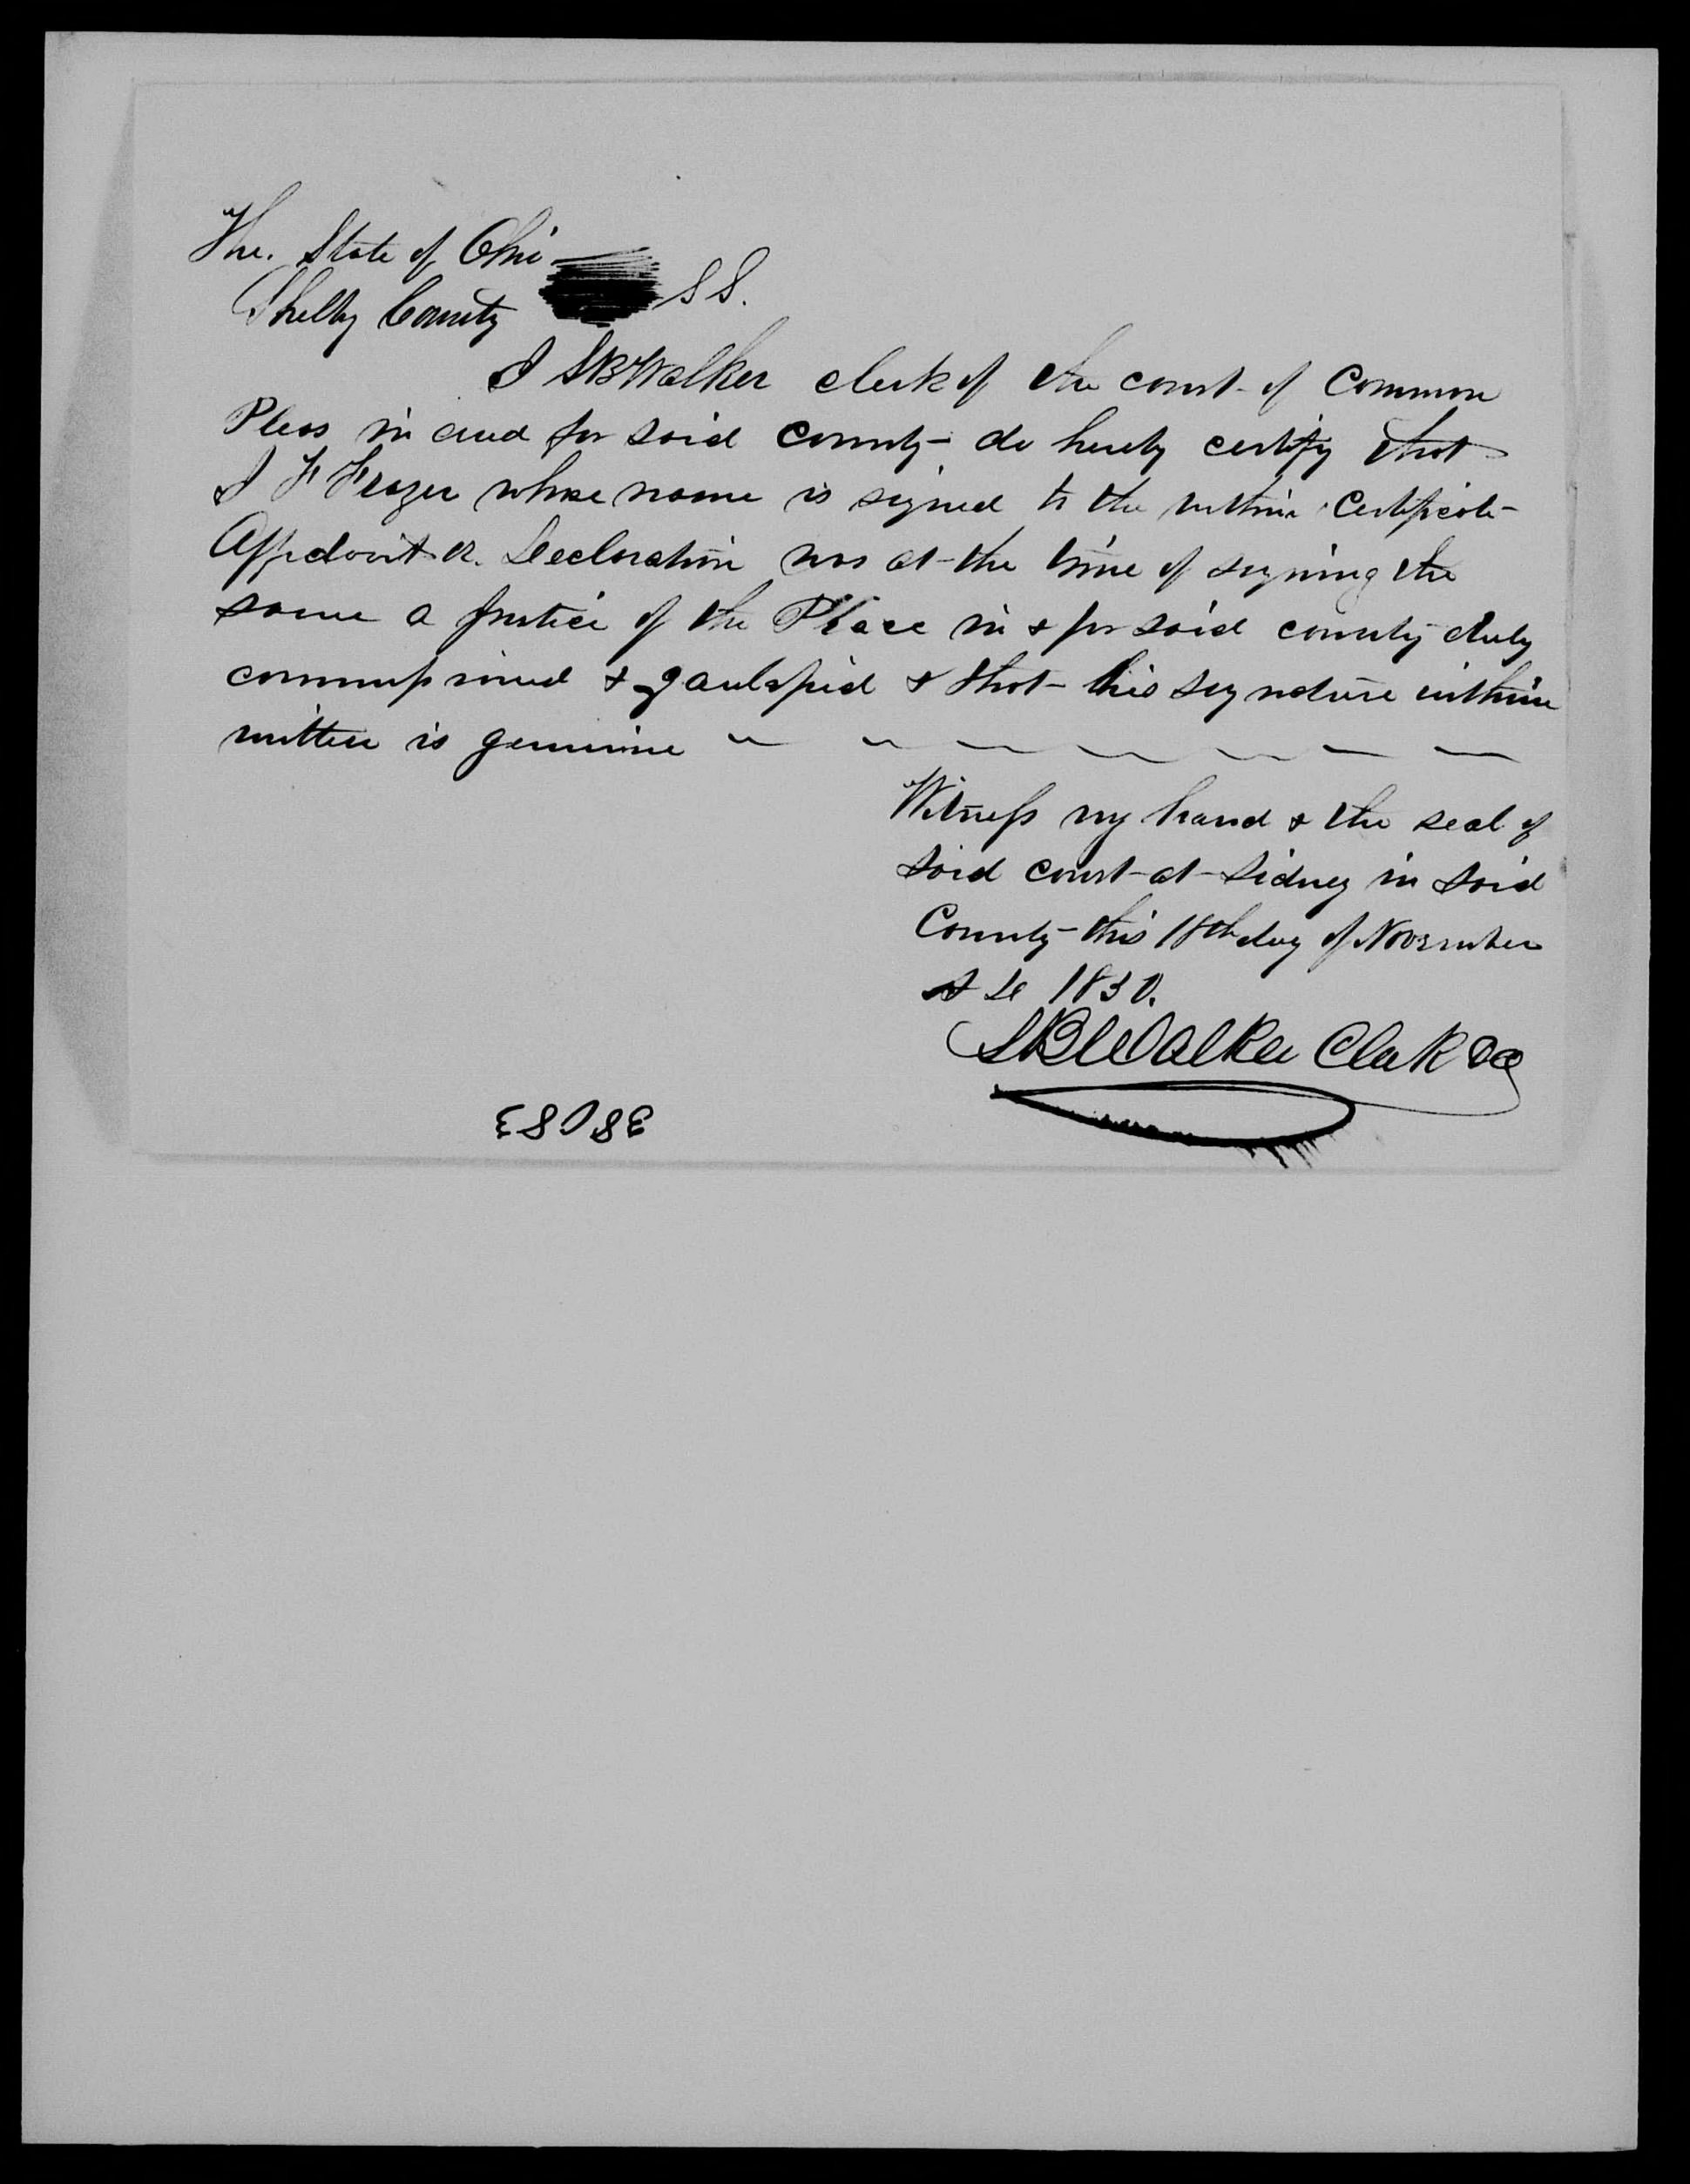The State of Ohio
Shelby County

I, S.B. Walker, clerk of the Court of Common Pleas, in and for said county, do hereby certify that J F Frazer whose name is signed to the 
within Certificate, Affidavit & Declaration was at the time of signing the same, a Justice of the Peace, in and for said county, duly commissioned and qualified, and that his signature within written is genuine.

Witness my hand and the seal of said court at Sidney in said County, this 18th day of November A.D. 1830.

S.B. Walker, Clerk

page: 7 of 7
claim: rejected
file: R 10378, for Rodham Talbott, Virginia